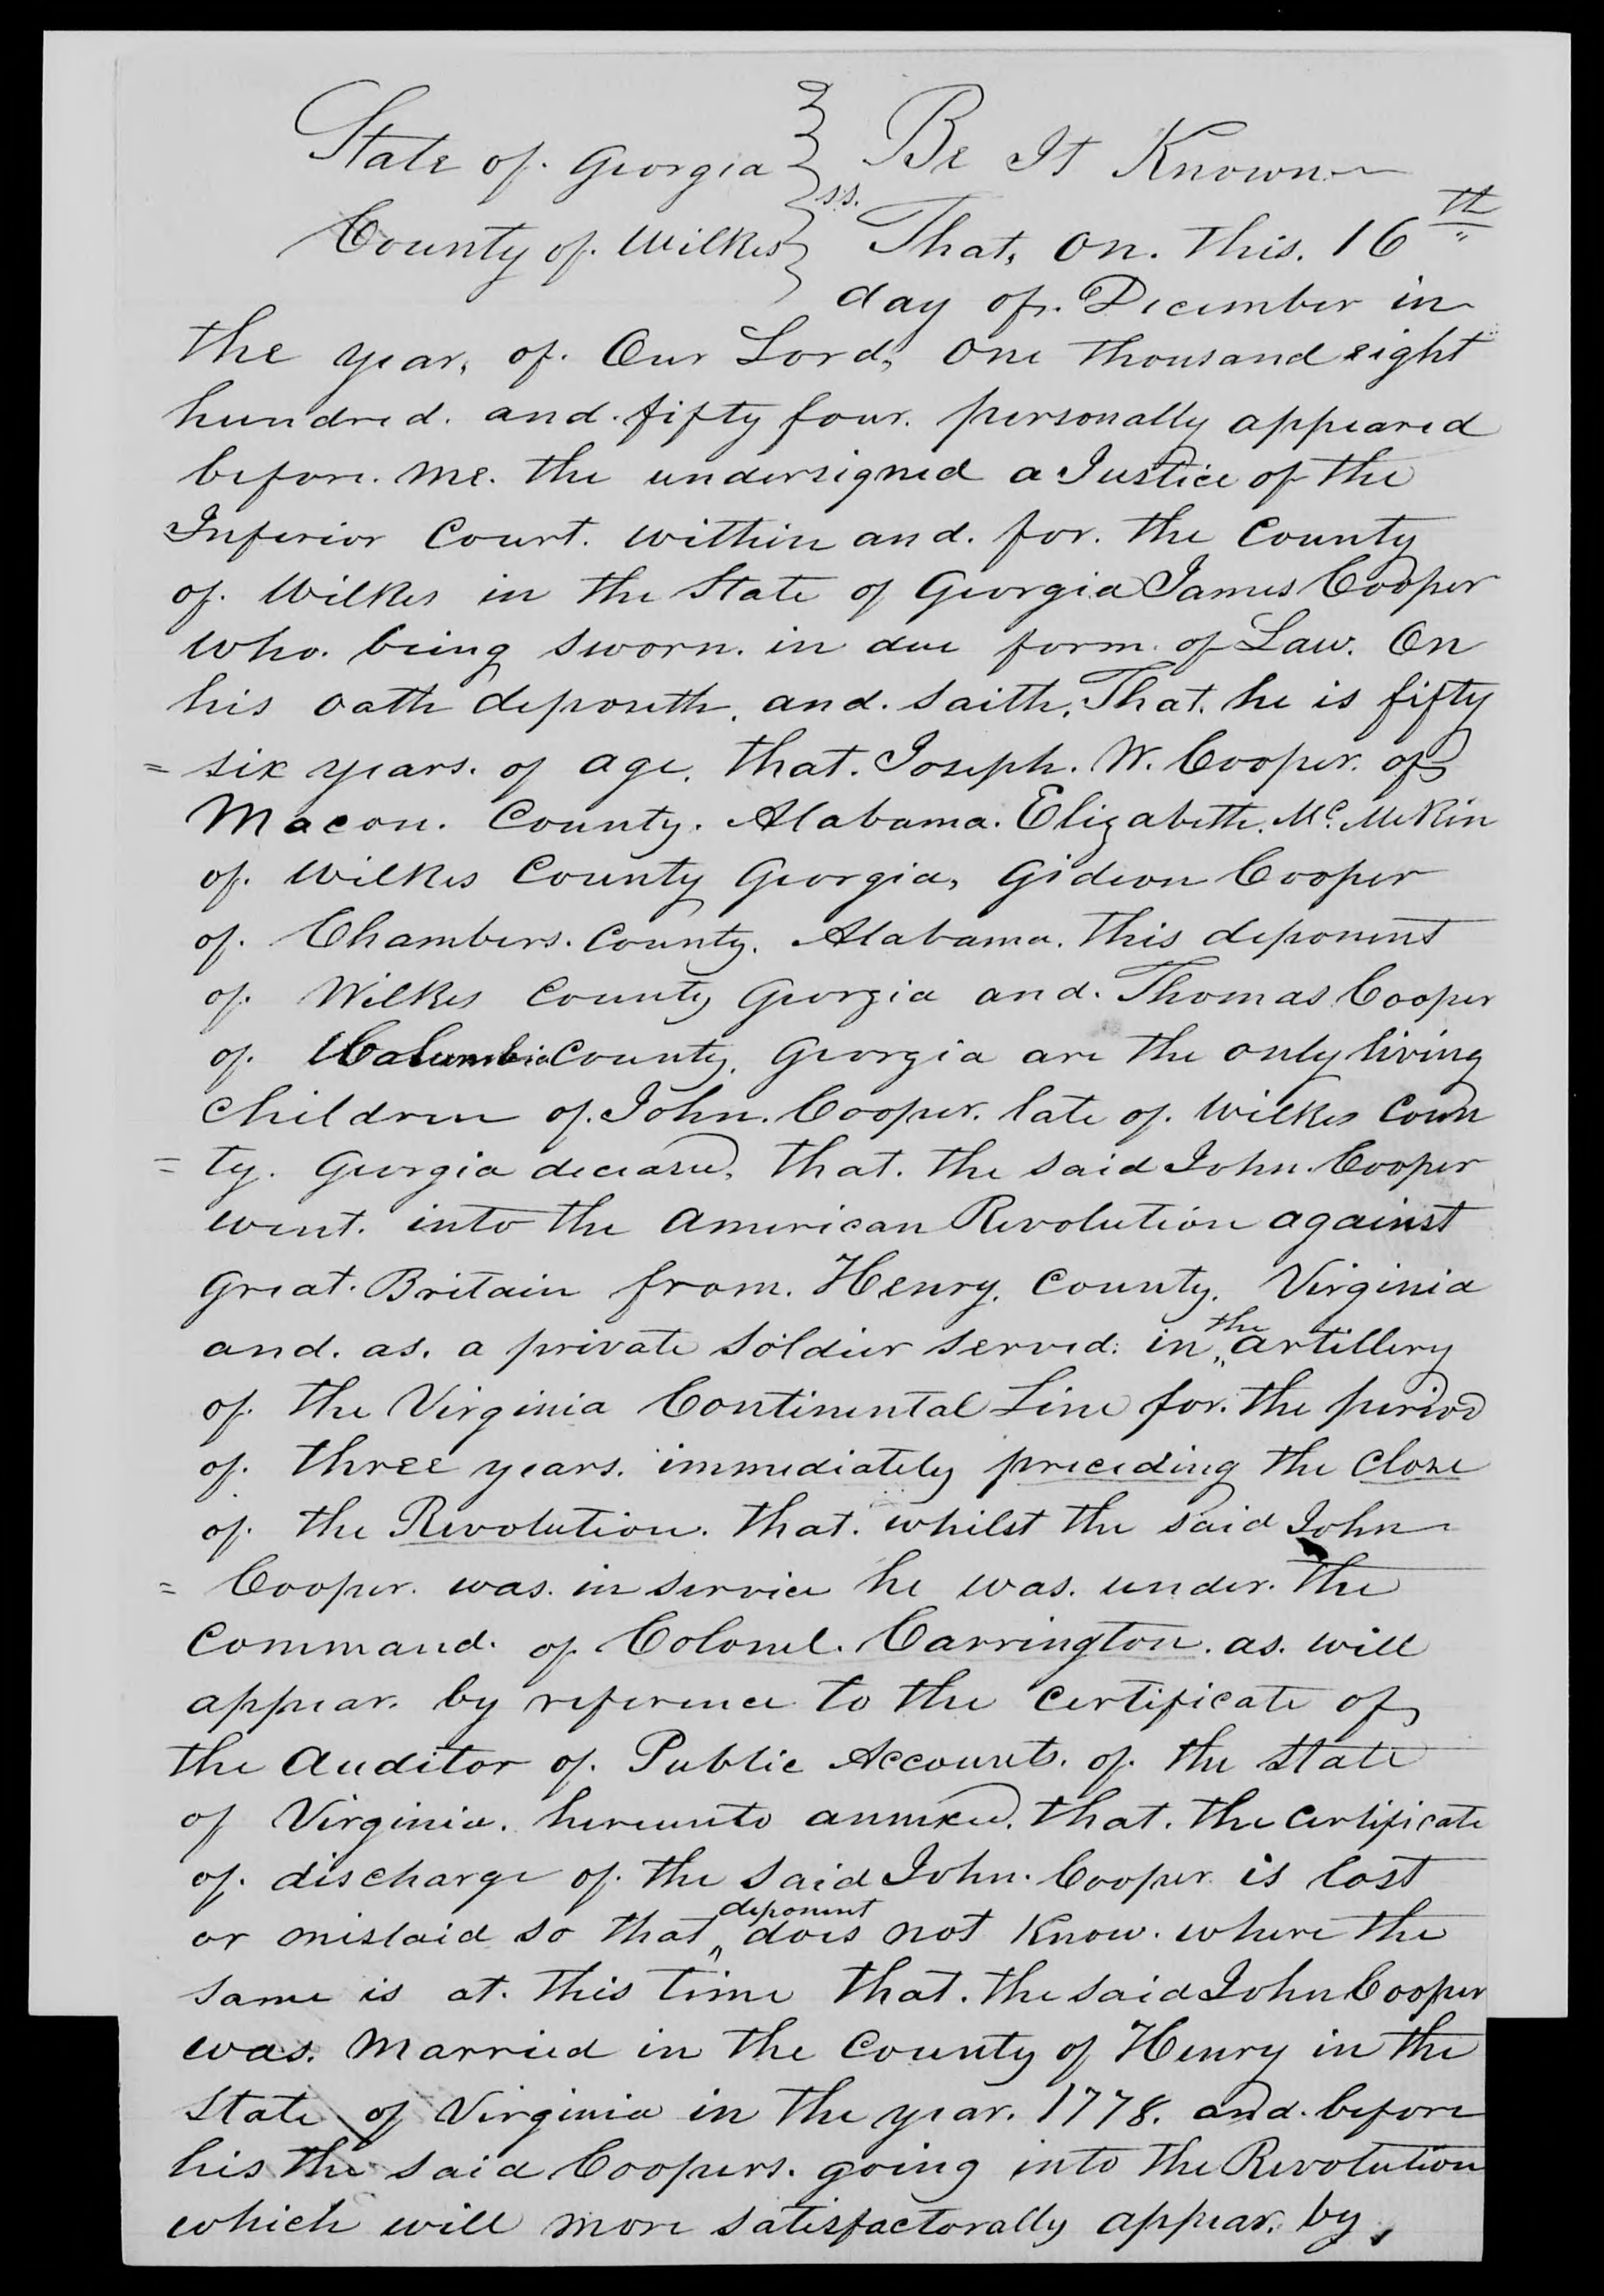State of Georgia
County of Wilkes

Be it Known That on this 16th
day of December in
the year of Our Lord, one thousand eight
hundred and fifty four personally appeared
before me the undersigned a Justice of the
Inferior Court within and for the County
of Wilkes in the State of Georgia James Cooper
who being sworn in due form of Law. On
his oath deposeth and saith That he is fifty-six years of age that Joseph W. Cooper of
Macon County, Alabama. Elizabeth McMilkin of
Wilkes County Georgia, Gideon Cooper
of Chambers County, Alabama, this deponent
of Wilkes County Georgia and Thomas Cooper
of Columbia County Georgia are the only living
children of John Cooper, late of Wilkes county Georgia deceased, that the said John Cooper
went into the American Revolution against
Great Britain from Henry County, Virginia
and as a private soldier served in the artillery
of the Virginia Continental Line for the period
of three years immediately preceding the close
of the Revolution. That whilst the said John
Cooper was in service he was under the
command of Colonel Carrington, as will
appear by reference to the certificate of
the Auditor of Public Accounts of the State of
Virginia, hereunto annexed, that the certificate
of discharge of the said John Cooper is lost
or mislaid so that deponent does not know where the same is at this time that the said John Cooper was married in the County of Henry in the State of Virginia in the year 1778, and before his the said Coopers going into the Revolution which will more satisfactorally appear by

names: John Cooper, John Cooper, Elizabeth Mc Mekin, Gideon Cooper, Cooper, John Cooper, John Cooper, John Cooper, Thomas Cooper, Joseph W Cooper, James Cooper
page: 2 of 17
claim: rejected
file: R. 2,300, John Cooper, Va.